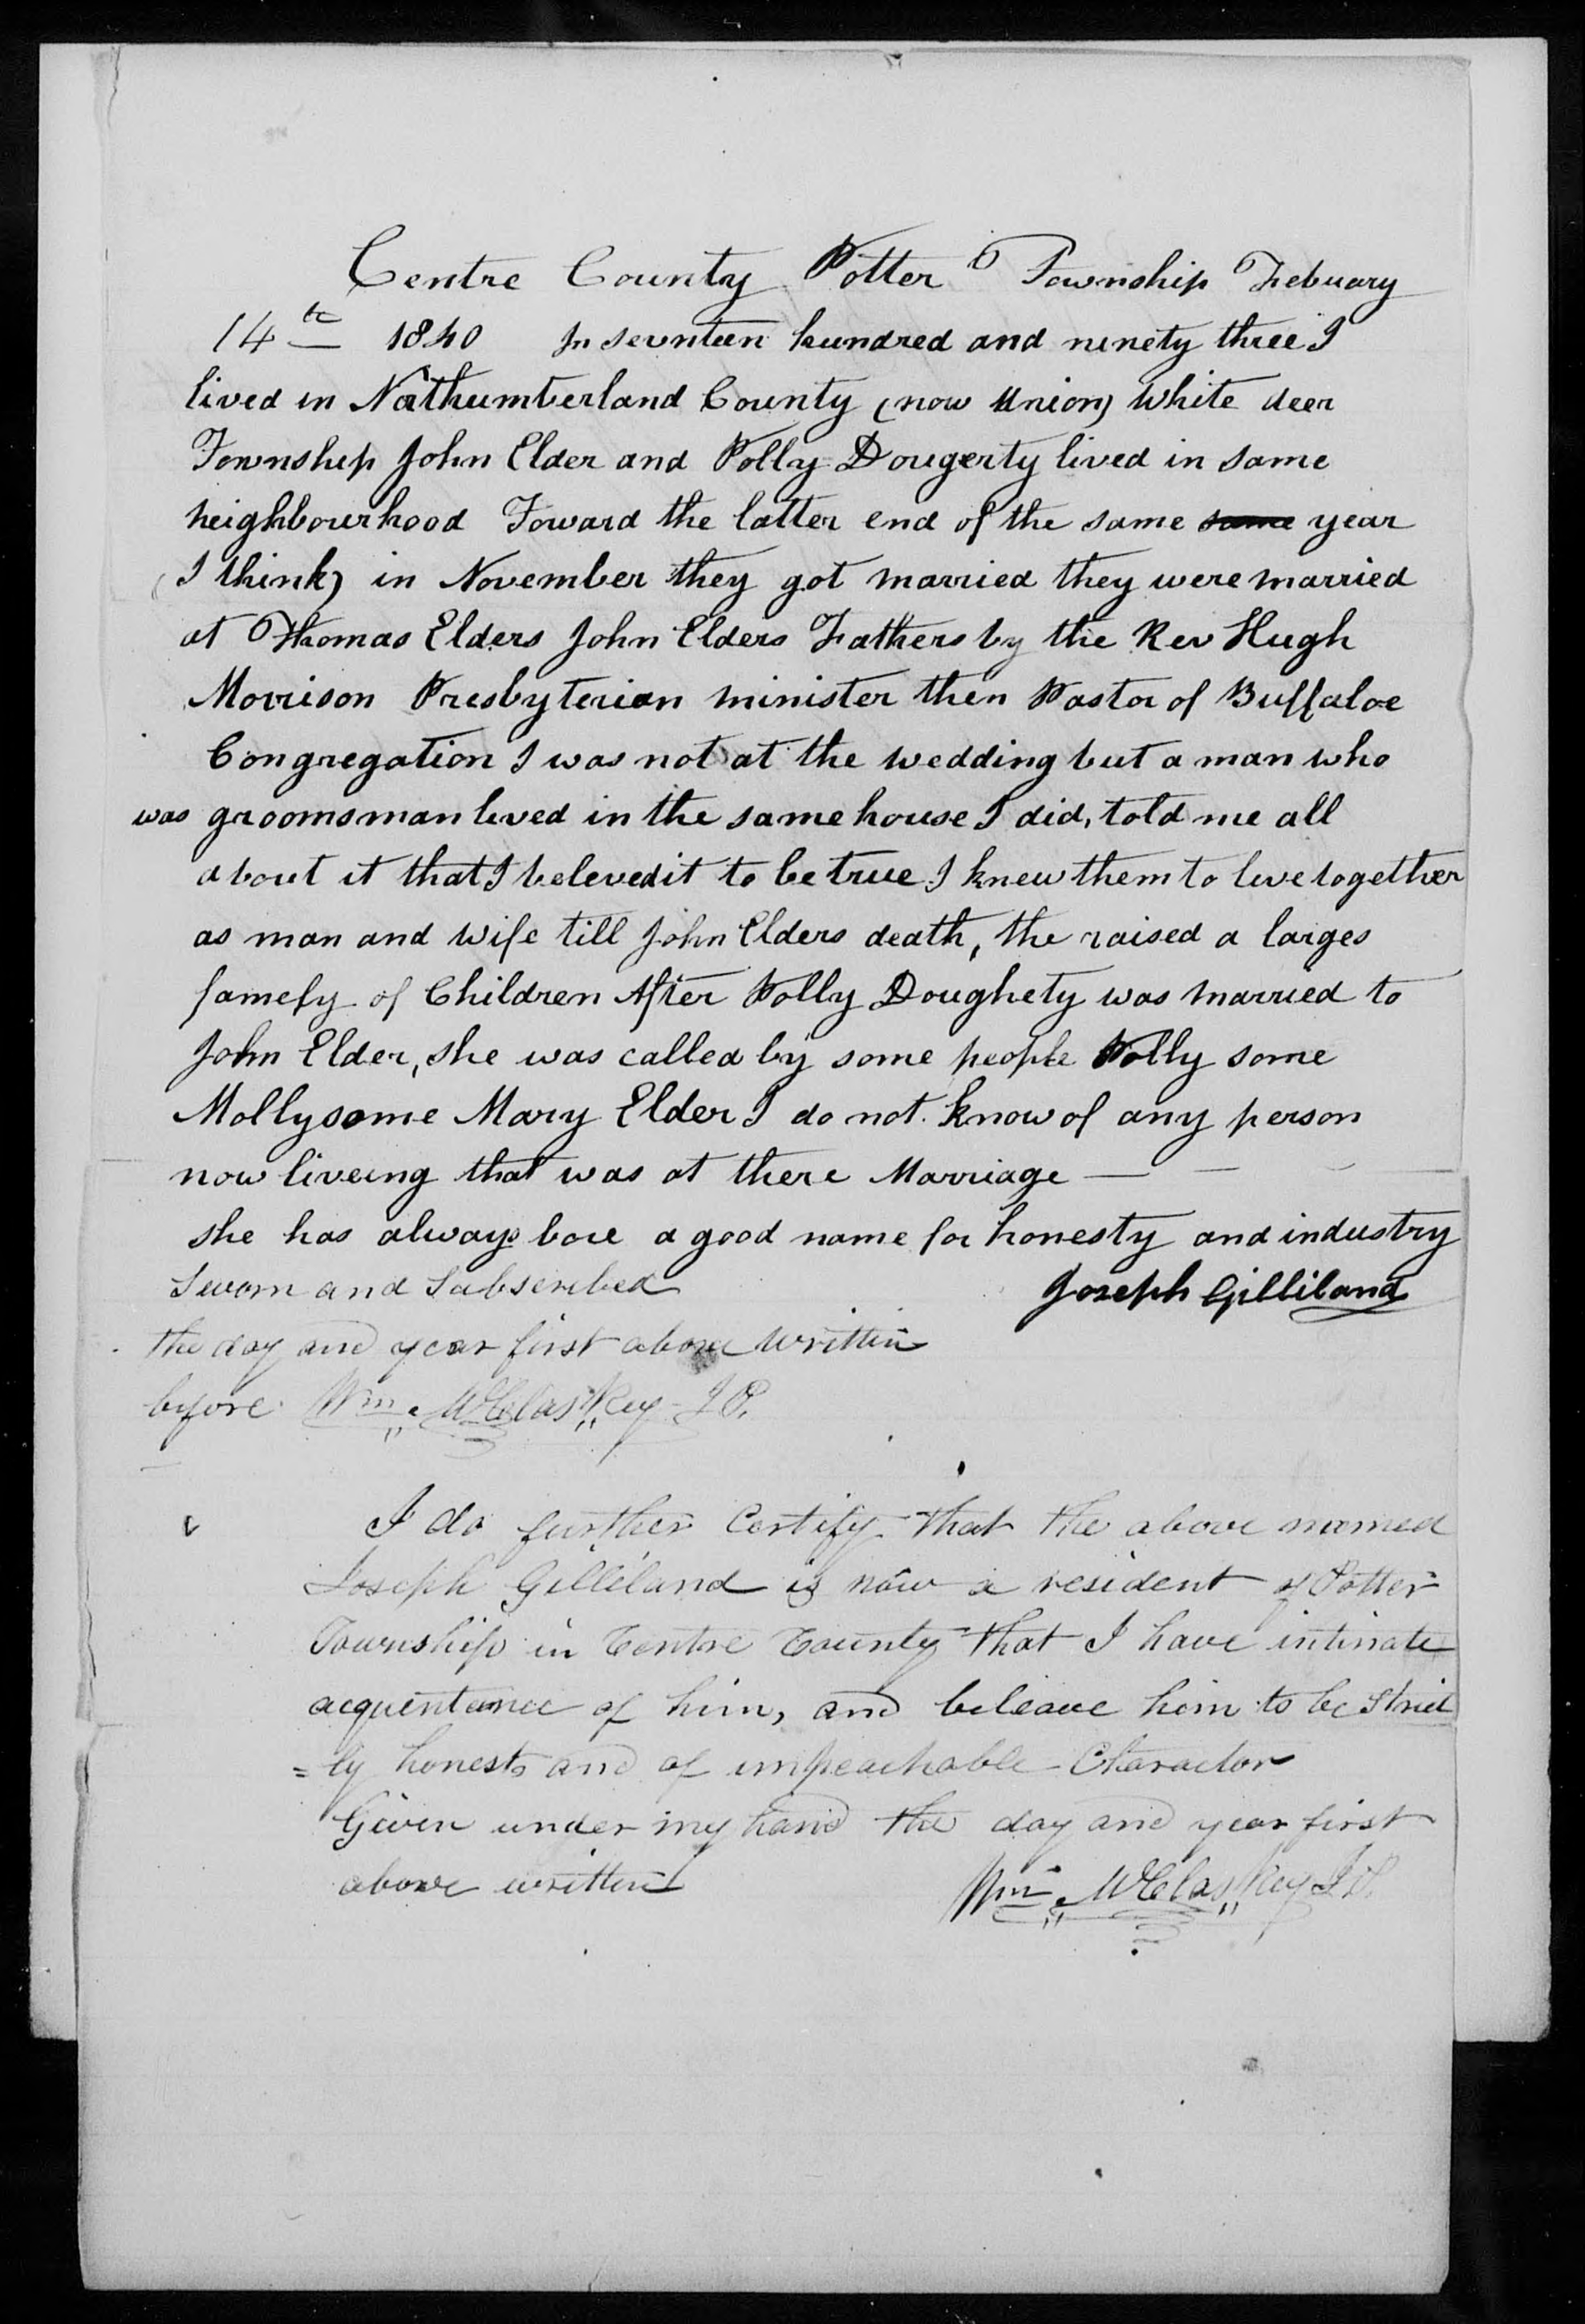Centre County Potter Township February
14th 1840   In seventeen hundred and ninety three I
lived in Northumberland County (now Union) White deer
Township John Elder and Polly Dougerty lived in same
neighborhood  Toward the latter end of the same year
(I think) in November they got married they were married
at Thomas Elders John Elders Fathers by the Rev Hugh
Morrison Presbyterian minister then Pastor of Buffaloe
Congregation I was not at the wedding but a man who was groomsman lived in the save house I did, told me all
about it that I believed it to be true. I knew them to live together
as man and wife till John Elders death, the raised a larges
famely of Children After Polly Doughety was married to
John Elder, she was called by some people [illegible] some
Molly some Mary Elder I do not know of any person
now liveing that was at there Marriage
she has always bore a good name for honesty and industry
Sworn and Subscribed                  Joseph Gilliland
the day and year first above written
before Wm McClaskey JD.

I do further certify that the above named
Joseph Gilliland is now a resident of Potter
Township in Centre County that I have intimate
acquentance of him, and beleave him to be strict
ly honest and of impeachable Charactor.
Given under my hand the day and year first
above written.       W McClaskey JD.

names: Joseph Gilliland, Polly Elder, Polly Dougherty, Wm Mc Claskey, Polly Dougerty, Joseph Gilliland, Mary Elder, Molly Elder, Thomas Elders, Hugh Morrison, John Elder, John Elders, John Elders, John Elder, Wm Mc Claskey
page: 34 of 80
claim: widow's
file: W. 24117, John Elder, Penn.